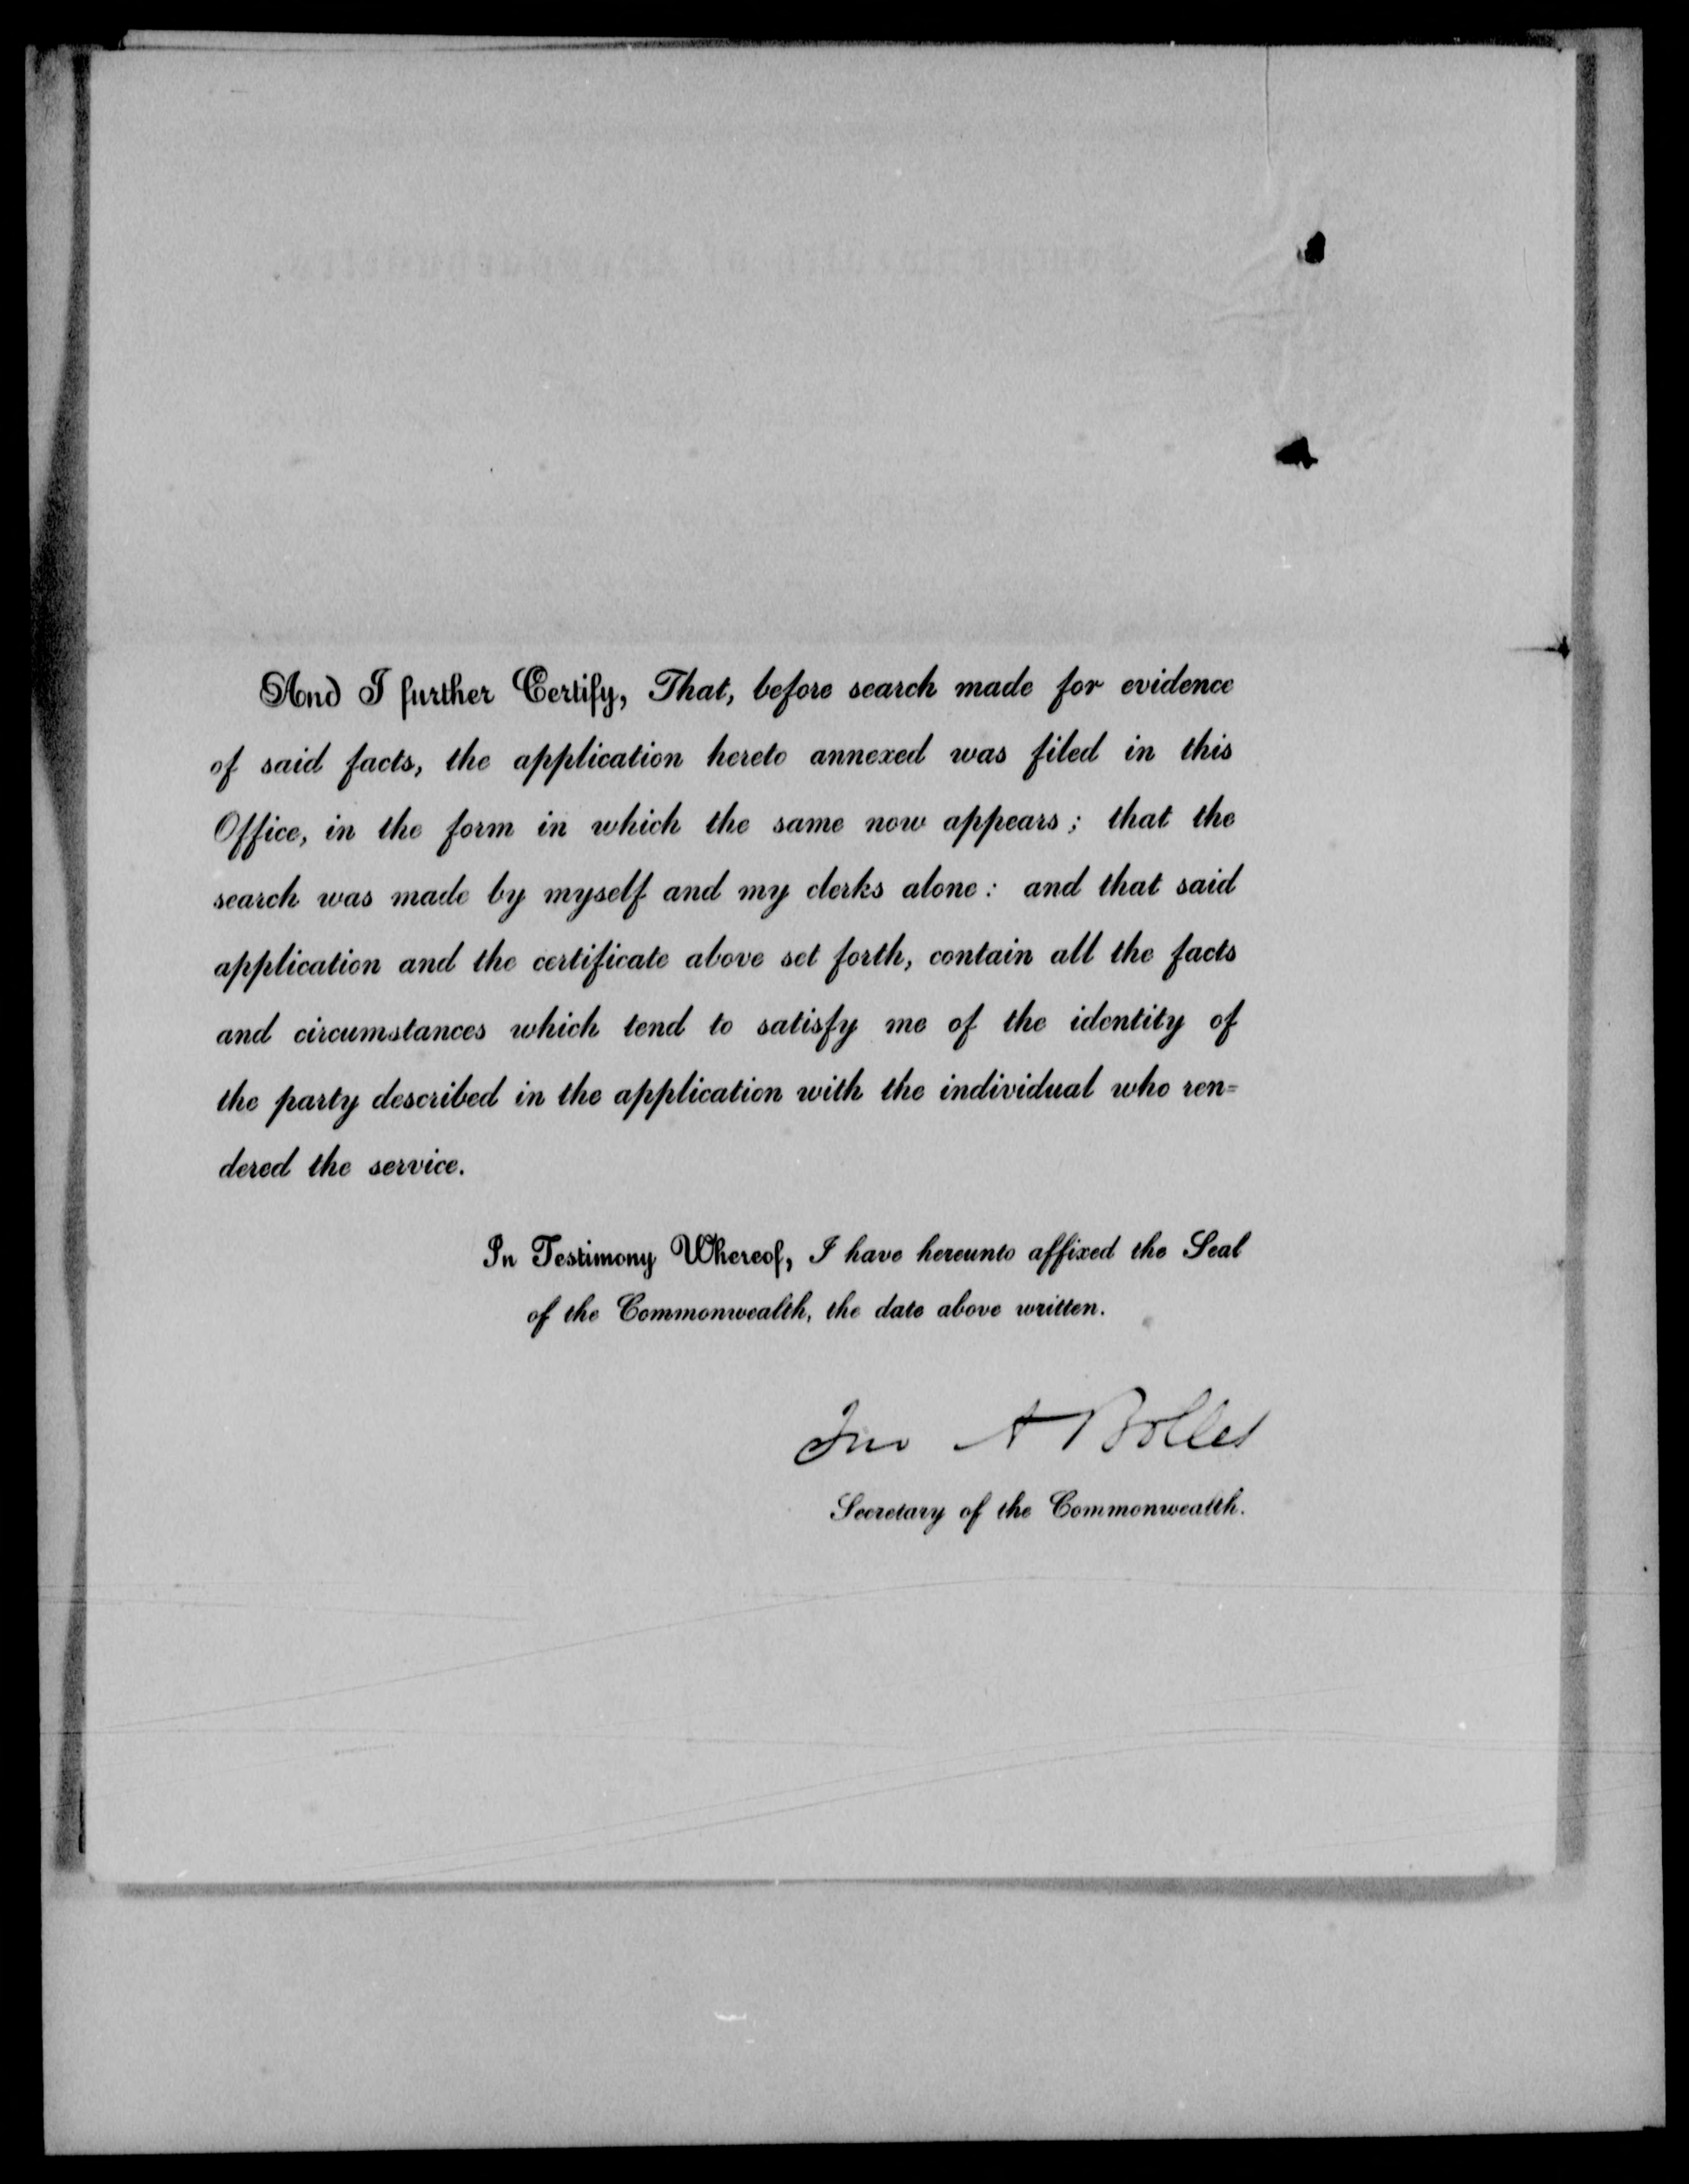And I further Certify, that, before search made for evidence of said facts, the application hereto annexed was filed in this Office, in the form in which the same now appears; that the search was made by myself and my clerks alone; and that said application and the certificate above set forth, contain all the facts and circumstances which tend to satisfy me of the identity of the party described in the application with the individual who tendered the service.
In Testimony Whereof, I have hereunto affixed the Seal of the Commonwealth the date above written.
Jno. A. Bolles
Secretary of the Commonwealth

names: Jno A Bolles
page: 25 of 34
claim: widow's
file: W. 15439, John Trowbridge, Mass.